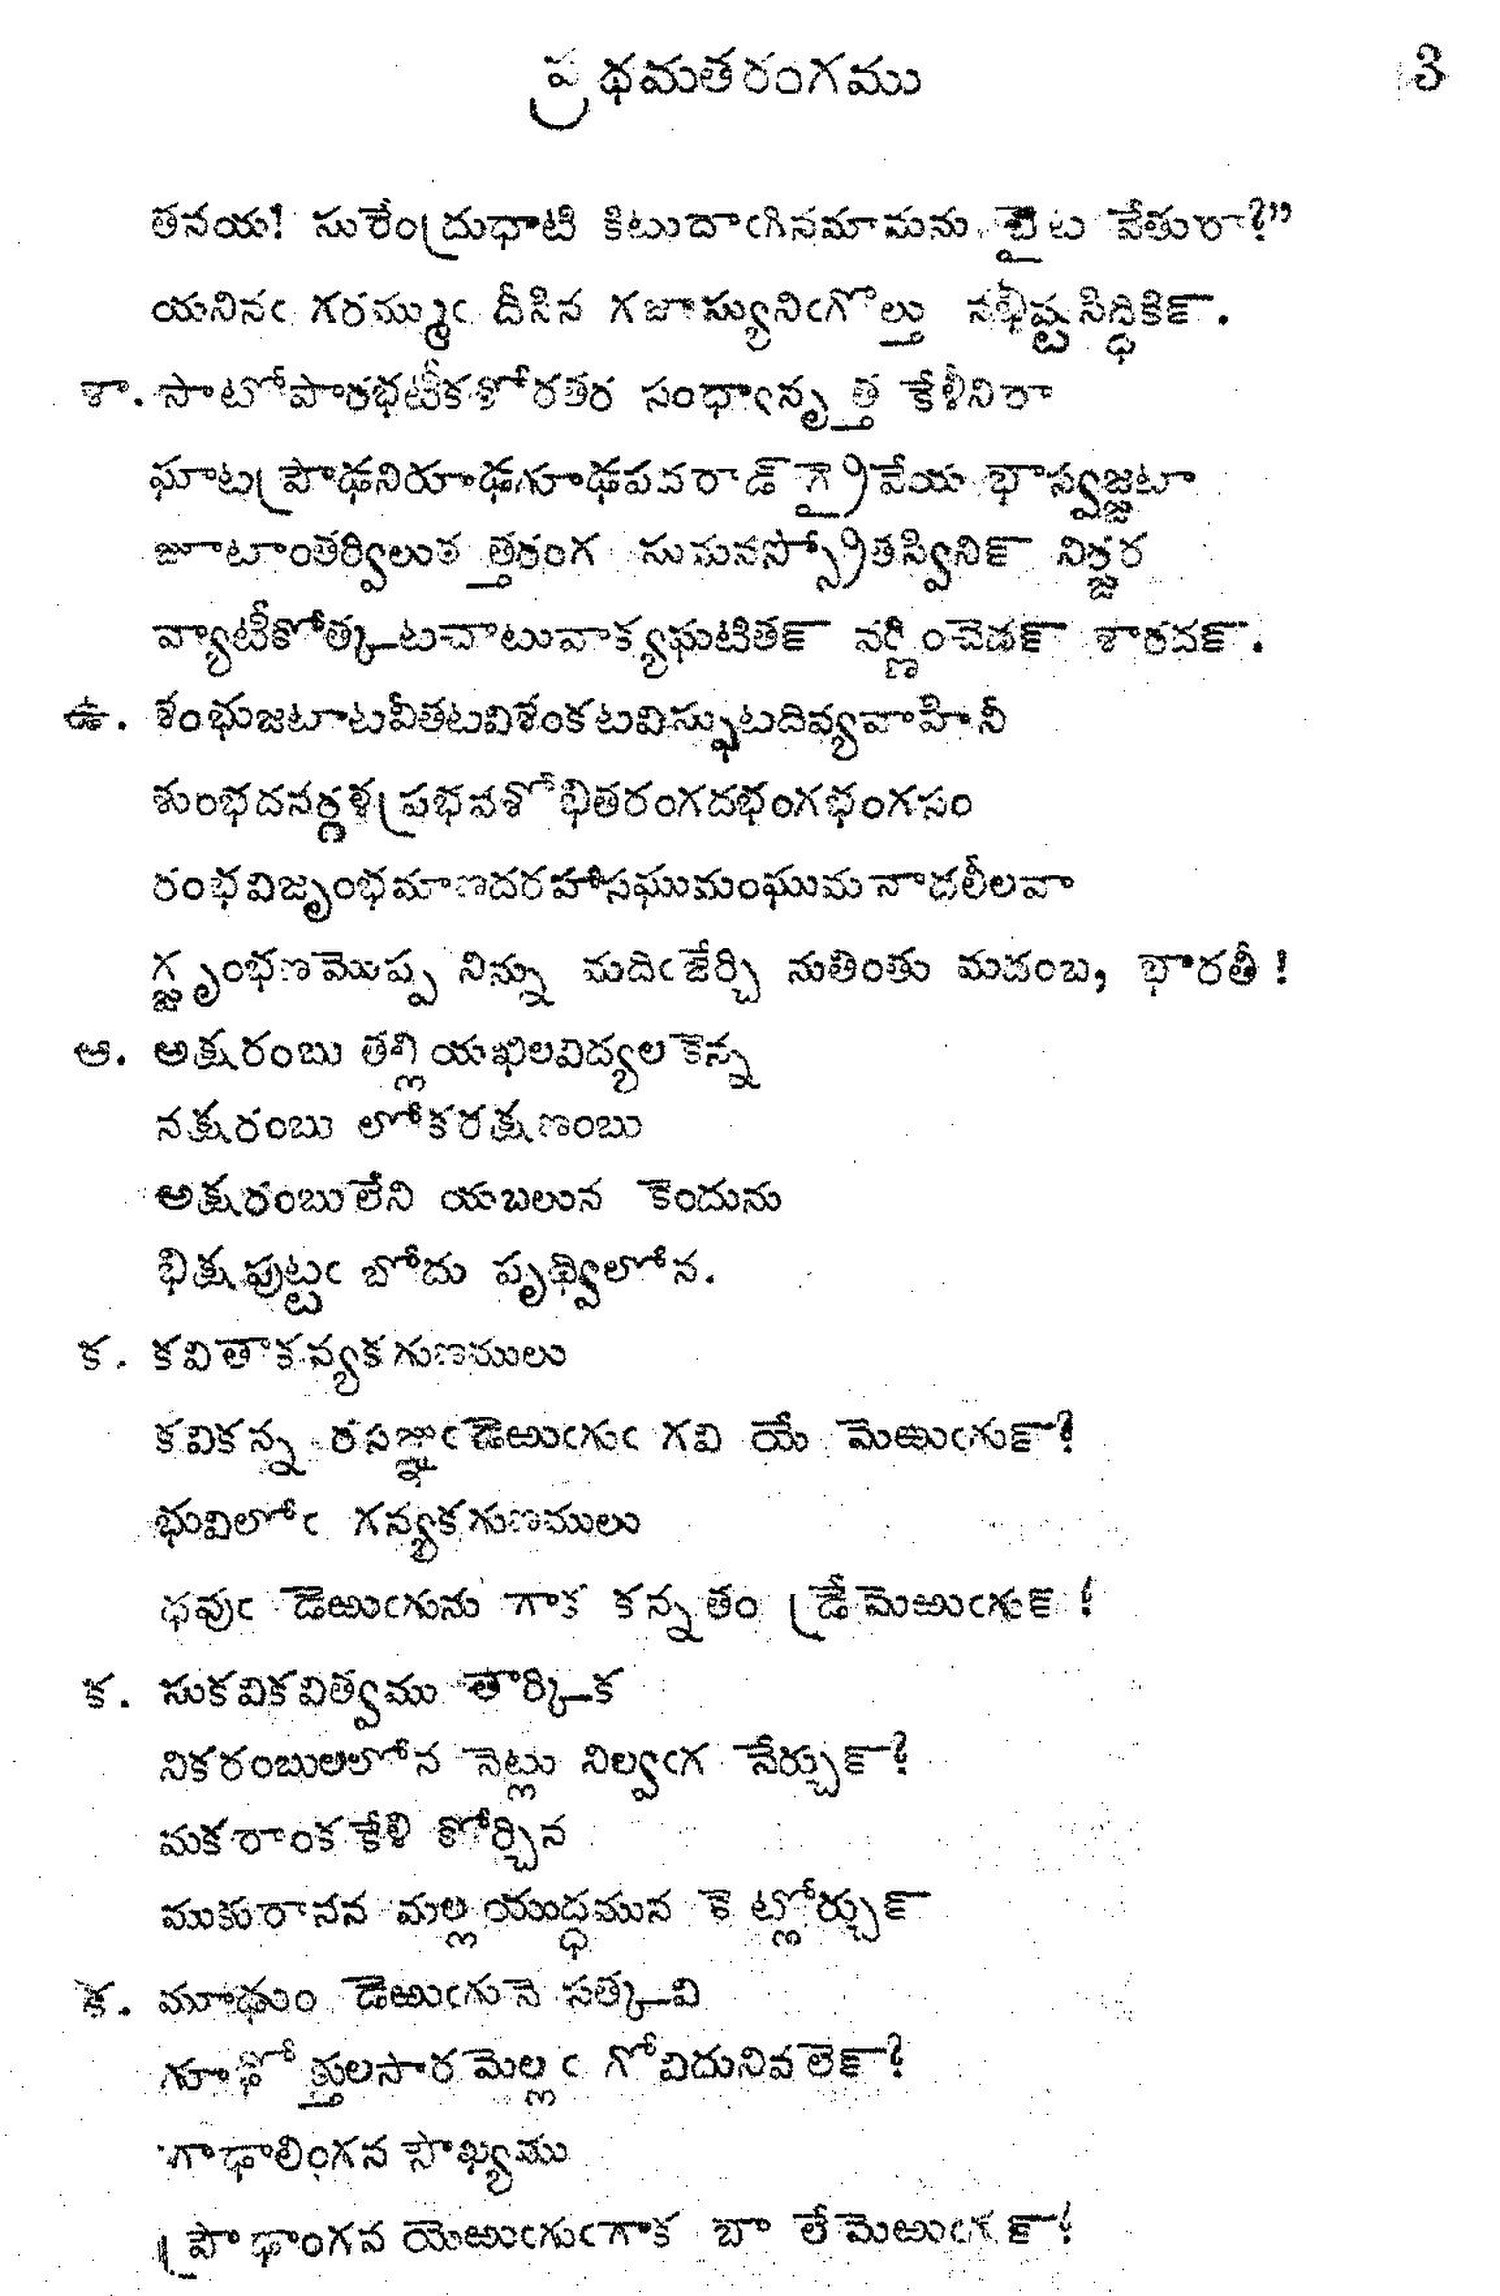తనయ! సురేంద్రుధాటి కిటుదాఁగినమామను బైట వేతురా?”
 యనినఁ గరమ్ముఁ దీసిన గజాస్యునిఁ గొల్తు నభీష్టసిద్ధికిన్.

శా. సాటోపారభటీకఠోరతరసంధ్యానృత్తకేళీనిరా
 ఘాటప్రౌఢనిరూఢగూఢపదరాడ్గ్రైవేయభాస్వజ్జటా
 జూటాంతర్విలుఠత్తరంగసమునస్స్రోతస్వినిన్ నిర్జర
 వ్యాటీకోత్కటచాటువాక్యఘటితన్ వర్ణించెదన్ శారదన్.

ఉ. శంభుజటాటవీతటవిశంకటవిస్ఫుటదివ్యవాహినీ
 శుంభదలర్గళప్రభవశోభితరంగదభంగభంగసం
 రంభవిజృంభమాణదరహాసఘుమంఘుమనాదలీల వా
 గ్జృంభణ మొప్ప నిన్ను మదిఁ జేర్చి నుతింతు మదంబ, భారతీ!

ఆ. అక్షరంబు తల్లి యఖిలవిద్యలకెన్న
 నక్షరంబు లోకరక్షణంబు
 అక్షరంబు లేని యబలున కెందును
 బిక్ష పుట్టఁబోదు పృథ్విలోన.

క. కవితాకవ్యకగుణములు
 కవికన్న రసజ్ఞుఁ డెఱుఁగుఁ గవి యే మెఱుఁగున్?
 భువిలో కన్యకగుణములు
 ధవుఁ డెఱుఁగును గాక కన్నతం డ్రేమెఱుఁగున్?

క. సుకవిత్వము తార్కిక
 నికరంబులలోన నెట్లు నిల్వఁగ నేర్చున్?
 మకరాంకకేళి కోర్చిన
 ముకురానన మల్లయుద్ధమున కె ట్లోర్చున్?

క. మూఢుం డెఱుఁగునె సత్కవి
 గూఢోక్తులసారమెల్లఁ గోవిదునివలెన్?
 గాఢాలింగనసౌఖ్యము
 ప్రౌఢాంగన యెఱుఁగుఁగాక బా లేమెఱుఁగున్?